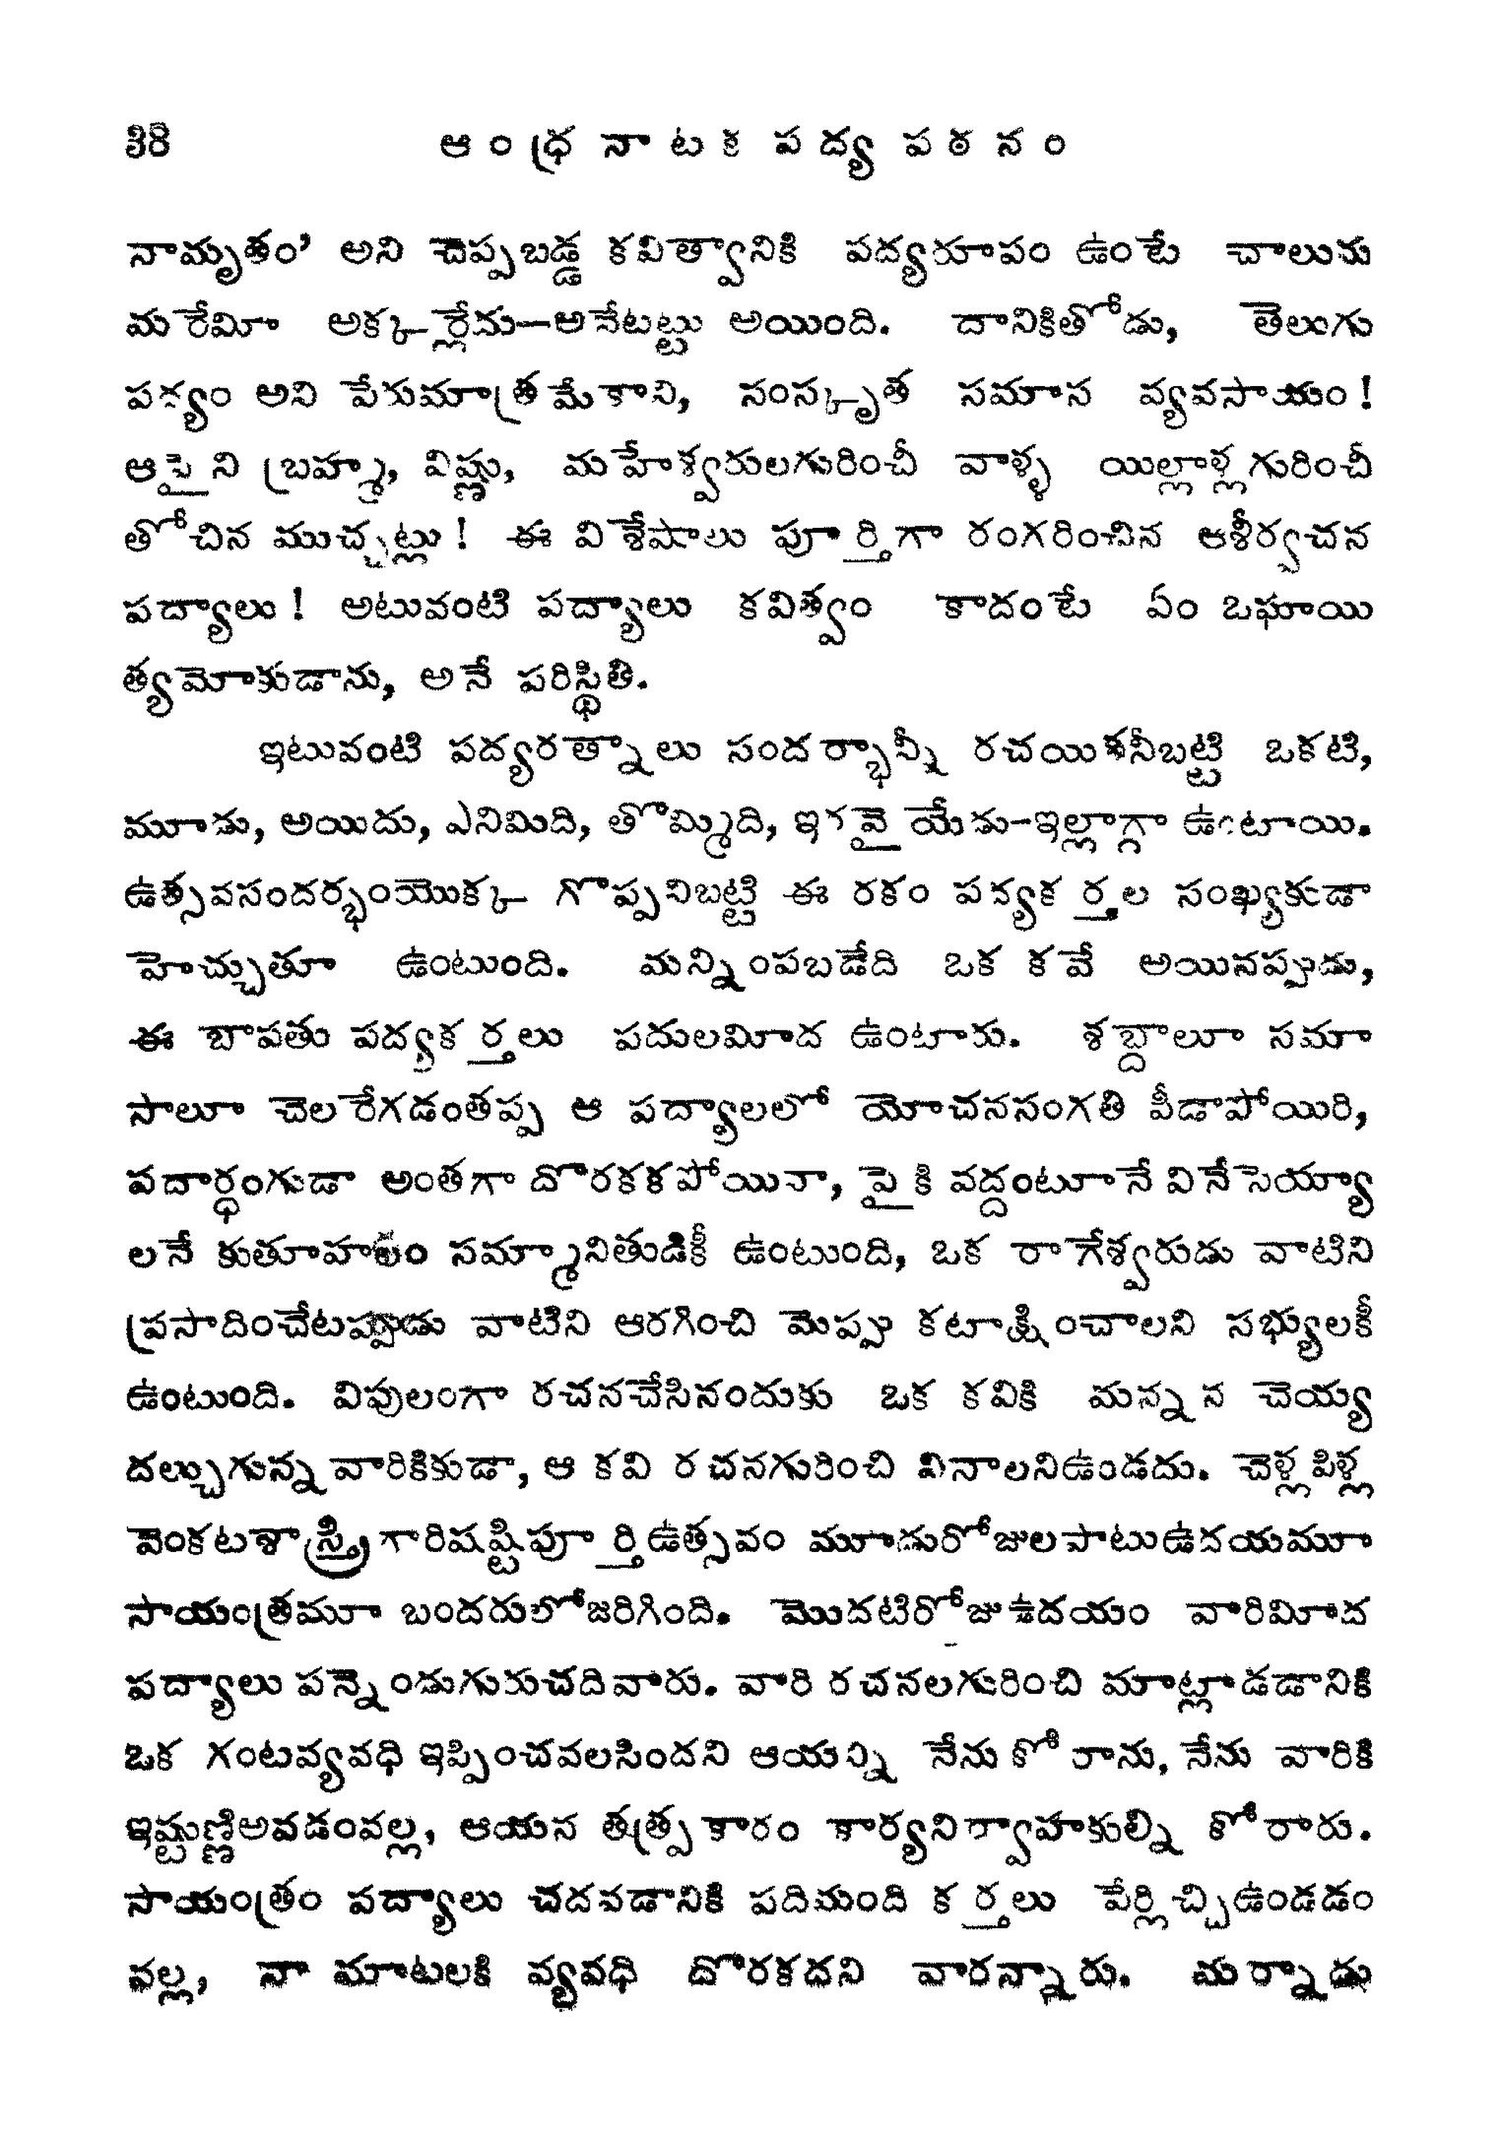నామృతం' అని చెప్పబడ్డ కవిత్వానికి పద్యరూపం ఉంటే చాలును
మరేమీ అక్కర్లేదు-అనేటట్టు అయింది. దానికితోడు, తెలుగు
పద్యం అని పేరుమాత్రమేకాని, సంస్కృత సమాన వ్యవసాయం!
ఆపైని బ్రహ్మ, విష్ణు, మహేశ్వరులగురించీ వాళ్ళ యిల్లాళ్లగురించీ
తోచిన ముచ్చట్లు! ఈ విశేషాలు పూర్తిగా రంగరించిన ఆశీర్వచన
పద్యాలు ! అటువంటి పద్యాలు కవిత్వం కాదంటే ఏం ఒఘాయి
త్యమోకుడాను, అనే పరిస్థితి.

ఇటువంటి పద్యరత్నాలు సందర్భాన్నీ రచయితనీబట్టి ఒకటి,
మూడు, అయిదు, ఎనిమిది, తొమ్మిది, ఇరవైయేడు - ఇల్లాగ్గా ఉంటాయి,
ఉత్సవసందర్భంయొక్క గొప్పనిబట్టి ఈ రకం పద్యకర్తల సంఖ్యకుడా
హెచ్చుతూ ఉంటుంది. మన్నింపబడేది ఒక కవే అయినప్పుడు,
ఈ బాపతు పద్యకర్తలు పదులమీద ఉంటారు. శబ్దాలూ సమా
సాలూ చెలరేగడంతప్ప ఆ పద్యాలలో యోచనసంగతి పీడాపోయిరి,
పదార్ధంగుడా అంతగా దొరకకపోయినా, పైకి వద్దంటూనే వినేసెయ్యా
లనే కుతూహలం సమ్మానితుడికీ ఉంటుంది, ఒక రాగేశ్వరుడు వాటిని
ప్రసాదించేటప్పుడు వాటిని ఆరగించి మెప్పు కటాక్షించాలని సభ్యులకీ
ఉంటుంది. విపులంగా రచనచేసినందుకు ఒక కవికి మన్నన చెయ్య
దల్చుగున్న వారికికుడా, ఆ కవి రచనగురించి వినాలనిఉండదు. చెళ్లపిళ్ల
వెంకటశాస్త్రిగారిషష్టిపూర్తిఉత్సవం మూడురోజులపాటు ఉదయమూ
సాయంత్రమూ బందరులో జరిగింది. మొదటిరోజు ఉదయం వారివిూద
పద్యాలు పన్నెండుగురుచదివారు. వారి రచనలగురించి మాట్లాడడానికి
ఒక గంటవ్యవధి ఇప్పించవలసిందని ఆయన్ని నేను కోరాను. నేను వారికి
ఇష్టుణ్ణిఅవడంవల్ల, ఆయన తత్ప్రకారం కార్యనిర్వాహకుల్ని కోరారు.
సాయంత్రం పద్యాలు చదవడానికి పదిమంది కర్తలు పేర్లిచ్చిఉండడం
వల్ల, నా మాటలకి వ్యవధి దొరకదని వారన్నారు. మర్నాడు